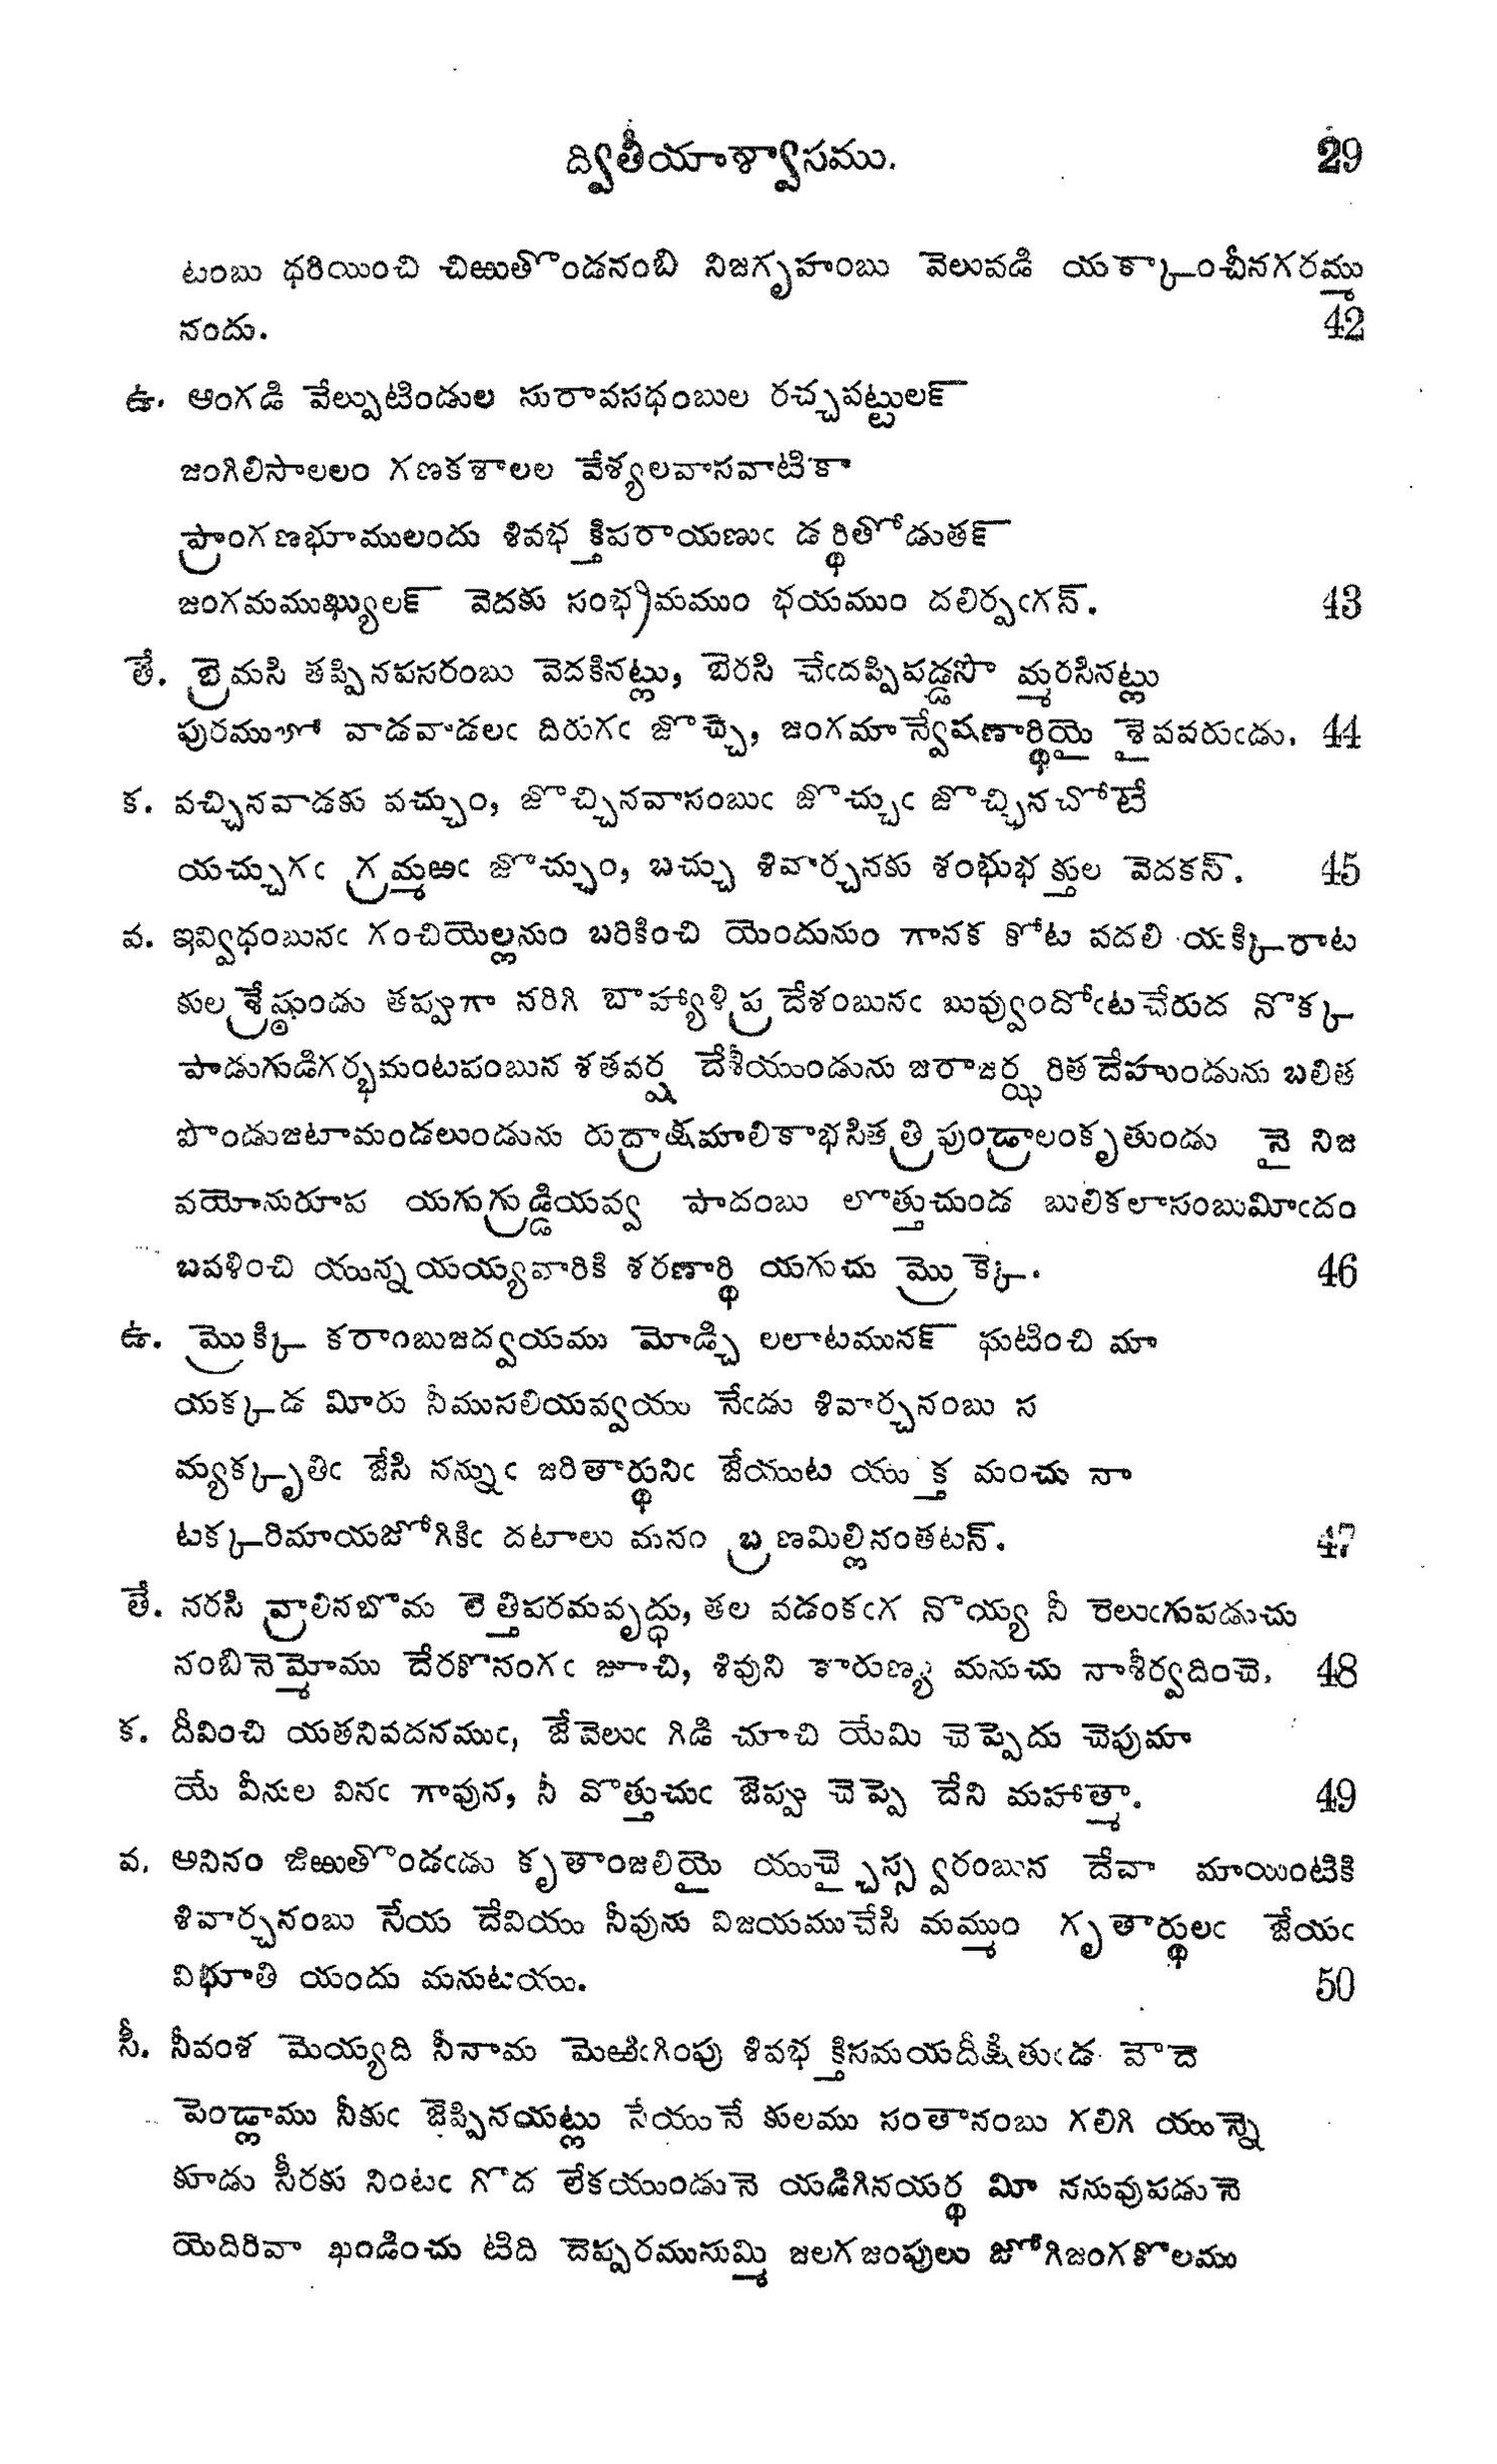టంబు ధరియించి చిఱుతొండనంబి నిజగృహంబు వెలువడి యక్కాంచీనగరమ్మునందు. 42

ఉ. అంగడి వేల్పుటిండుల సురావసధంబుల రచ్చపట్టులన్
జంగిలిసాలలం గణకశాలల వేశ్యలవాసవాటికా
ప్రాంగణభూములందు శివభక్తిపరాయణుఁ డర్థితోడుతన్
జంగమముఖ్యులన్ వెదకు సంభ్రమముం భయముం దలిర్పఁగన్. 43

తే. బ్రెమసి తప్పినపసరంబు వెదకినట్లు, బెరసి చేఁదప్పిపడ్డసొ మ్మరసినట్లు
పురములో వాడవాడలఁ దిరుగఁజొచ్చె, జంగమాన్వేషణార్థియై శైవవరుఁడు. 44

క. వచ్చినవాడకు వచ్చుం, జొచ్చినవాసంబుఁ జొచ్చుఁ జొచ్చినచోటే
యచ్చుగఁ గ్రమ్మఱఁ జొచ్చుం, బచ్చు శివార్చనకు శంభుభక్తుల వెదకన్. 45

వ. ఇవ్విధంబునఁ గంచియెల్లనుం బరికించి యెందునుం గానక కోట వదలి యక్కిరాటకులశ్రేష్ఠుండు తప్పుగా నరిగి బాహ్యాళిప్రదేశంబునఁ బువ్వుందోఁటచేరుద నొక్కపాడుగుడిగర్భమంటపంబున శతవర్షదేశీయుండును జరాజర్ఝరితదేహుండును బలితపొండుజటామండలుండును రుద్రాక్షమాలికాభసితత్రిపుండ్రాలంకృతుండునై నిజవయోనురూపయగు గ్రుడ్డియవ్వ పాదంబు లొత్తుచుండ బలికలాసంబుమీఁదం బవళించి యున్న యయ్యవారికి శరణార్థి యగుచు మ్రొక్కె. 46

ఉ. మ్రొక్కి కరాంబుజద్వయము మోడ్చి లలాటమునన్ ఘటించి మా
యక్కడ మీరు నీముసలియవ్వయు నేఁడు శివార్చనంబు స
మ్యక్కృతిఁ జేసి నన్నుఁ జరితార్థునిఁ జేయుట యుక్త మంచు నా
టక్కరిమాయజోగికిఁ దటాలు మనం బ్రణమిల్లినంతటన్. 47

తే. నరసి వ్రాలినబొమ లెత్తి పరమవృద్ధు, తల వడంకఁగ నొయ్య నీ రెలుఁగుపడుచు
నంబినెమ్మోము దేరకొనంగఁ జూచి, శివుని కారుణ్య మనుచు నాశీర్వదించె. 48

క. దీవించి యతనివదనముఁ, జేవెలుఁ గిడి చూచి యేమి చెప్పెదు చెపుమా
యే వీనుల వినఁ గావున, నీ వొత్తుచుఁ జెప్పు చెప్పె దేని మహాత్మా. 49

వ. అనినం జిఱుతొండఁడు కృతాంజలియై యుచ్చైస్స్వరంబున దేవా మాయింటికి శివార్చనంబు సేయ దేవియు నీవును విజయము చేసి మమ్ముం గృతార్థులఁ జేయఁ విభూతి యందు మనుటయు. 50
సీ. నీవంశ మెయ్యది నీనామ మెఱిఁగింపు శివభక్తిసమయదీక్షితుఁడ వౌదె
పెండ్లాము నీకుఁ జెప్పినయట్లు సేయునే కులము సంతానంబు గలిగి యున్నె
కూడు సీరకు నింటఁ గొద లేకయుండునె యడిగినయర్థ మీ ననువుపడునె
యెదిరివా ఖండించు టిది దెప్పరము సుమ్ము జలగజంపులు జోగిజంగకొలము